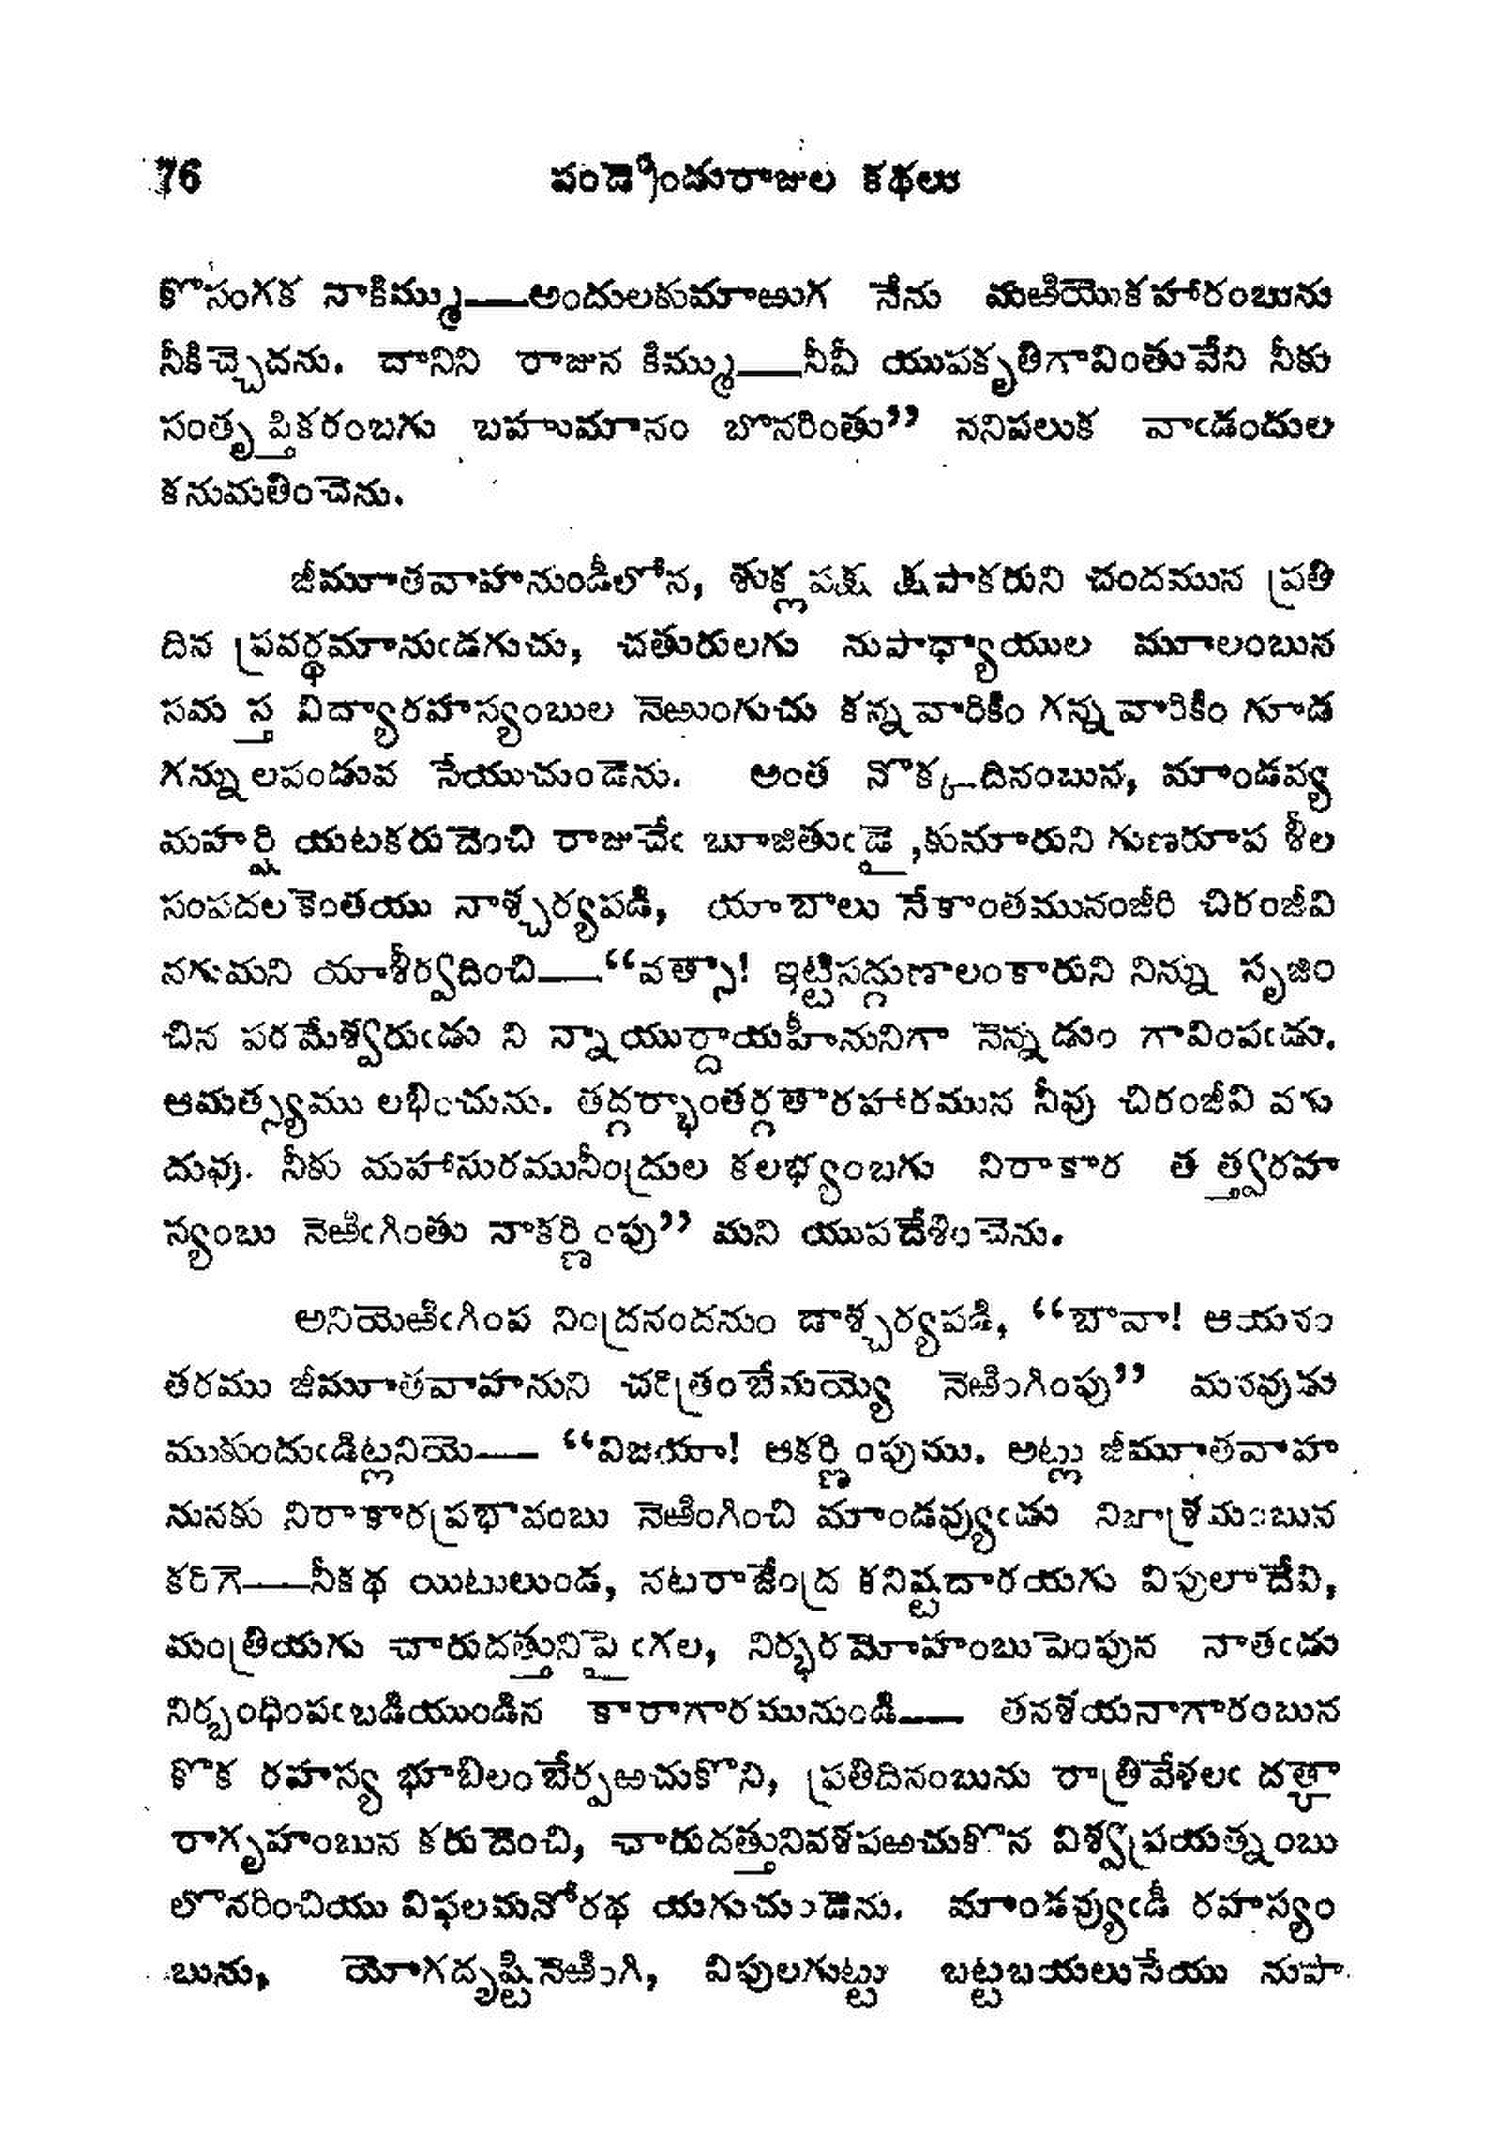కొసంగక నాకిమ్ము——అందులకుమాఱుగ నేను మఱియొకహారంబును నీకిచ్చెదను. దానిని రాజున కిమ్ము—— నీవీ యుపకృతిగావింతువేని నీకు సంతృప్తికరంబగు బహుమానం బొనరింతు” ననిపలుక వాఁడందుల కనుమతించెను.

జీమూతవాహనుండీలోన, శుక్ల పక్ష క్షపాకరుని చందమున ప్రతిదిన ప్రవర్థమానుఁడగుచు, చతురులగు నుపాధ్యాయుల మూలంబున సమస్త విద్యారహస్యంబుల నెఱుంగుచు కన్న వారికిం గన్న వారికిం గూడ గన్నులపండువ సేయుచుండెను.
అంత నొక్క దినంబున, మాండవ్య మహర్షి యటకరు దెంచి రాజుచేఁ బూజితుఁడై, కుమారుని గుణరూప శీల సంపదల కెంతయు నాశ్చర్యపడి, యాబాలు నే కాంతమునంజీరి చిరంజీవి వగుమని యాశీర్వదించి——"వత్సా! ఇట్టిసద్గుణాలంకారుని నిన్ను సృజించిన పరమేశ్వరుఁడు ని న్నా యుర్దాయహీనునిగా నెన్నడుం గావింపఁడు. ఆమత్స్యము లభించును. తద్గర్భాంతర్గ తారహారమున నీవు చిరంజీవి వగుదువు. నీకు మహాసురమునీంద్రుల కలభ్యంబగు నిరాకార తత్త్వరహస్యంబు నెఱిఁగింతు నాకర్ణింపు” మని యుపదేశించెను.

అనియెఱిఁగింప నింద్రనందనుం డాశ్చర్యపడి, “బావా! ఆయనంతరము జీమూతవాహనుని చరిత్రం బేమయ్యె నెఱింగింపు" మనవుడు ముకుందుఁడిట్లనియె——"విజయా! ఆకర్ణింపుము. అట్లు జీమూతవాహనునకు నిరాకారప్రభావంబు నెఱింగించి మాండవ్యుఁడు నిజాశ్రమంబున కరిగె——నీకథ యిటులుండ, నటరాజేంద్ర కనిష్టదారయగు విపులాదేవి, మంత్రియగు చారుదత్తునిపైఁ గల, నిర్భర మోహంబు పెంపున నాతఁడు నిర్బంధింపఁ బడియుండిన కారాగారమునుండి—— తనశయనాగారంబున కొక రహస్య భూబిలం బేర్పఱచుకొని, ప్రతిదినంబును రాత్రివేళలఁ దత్కారాగృహంబున కరుదెంచి, చారుదత్తునివశపఱచుకొన విశ్వ ప్రయత్నంబు లొనరించియు విఫలమనోరథ యగుచుండెను. మాండవ్యుఁడీ రహస్యం
బును, యోగదృష్టినెఱింగి, విపులగుట్టు బట్టబయలుసేయు నుపా